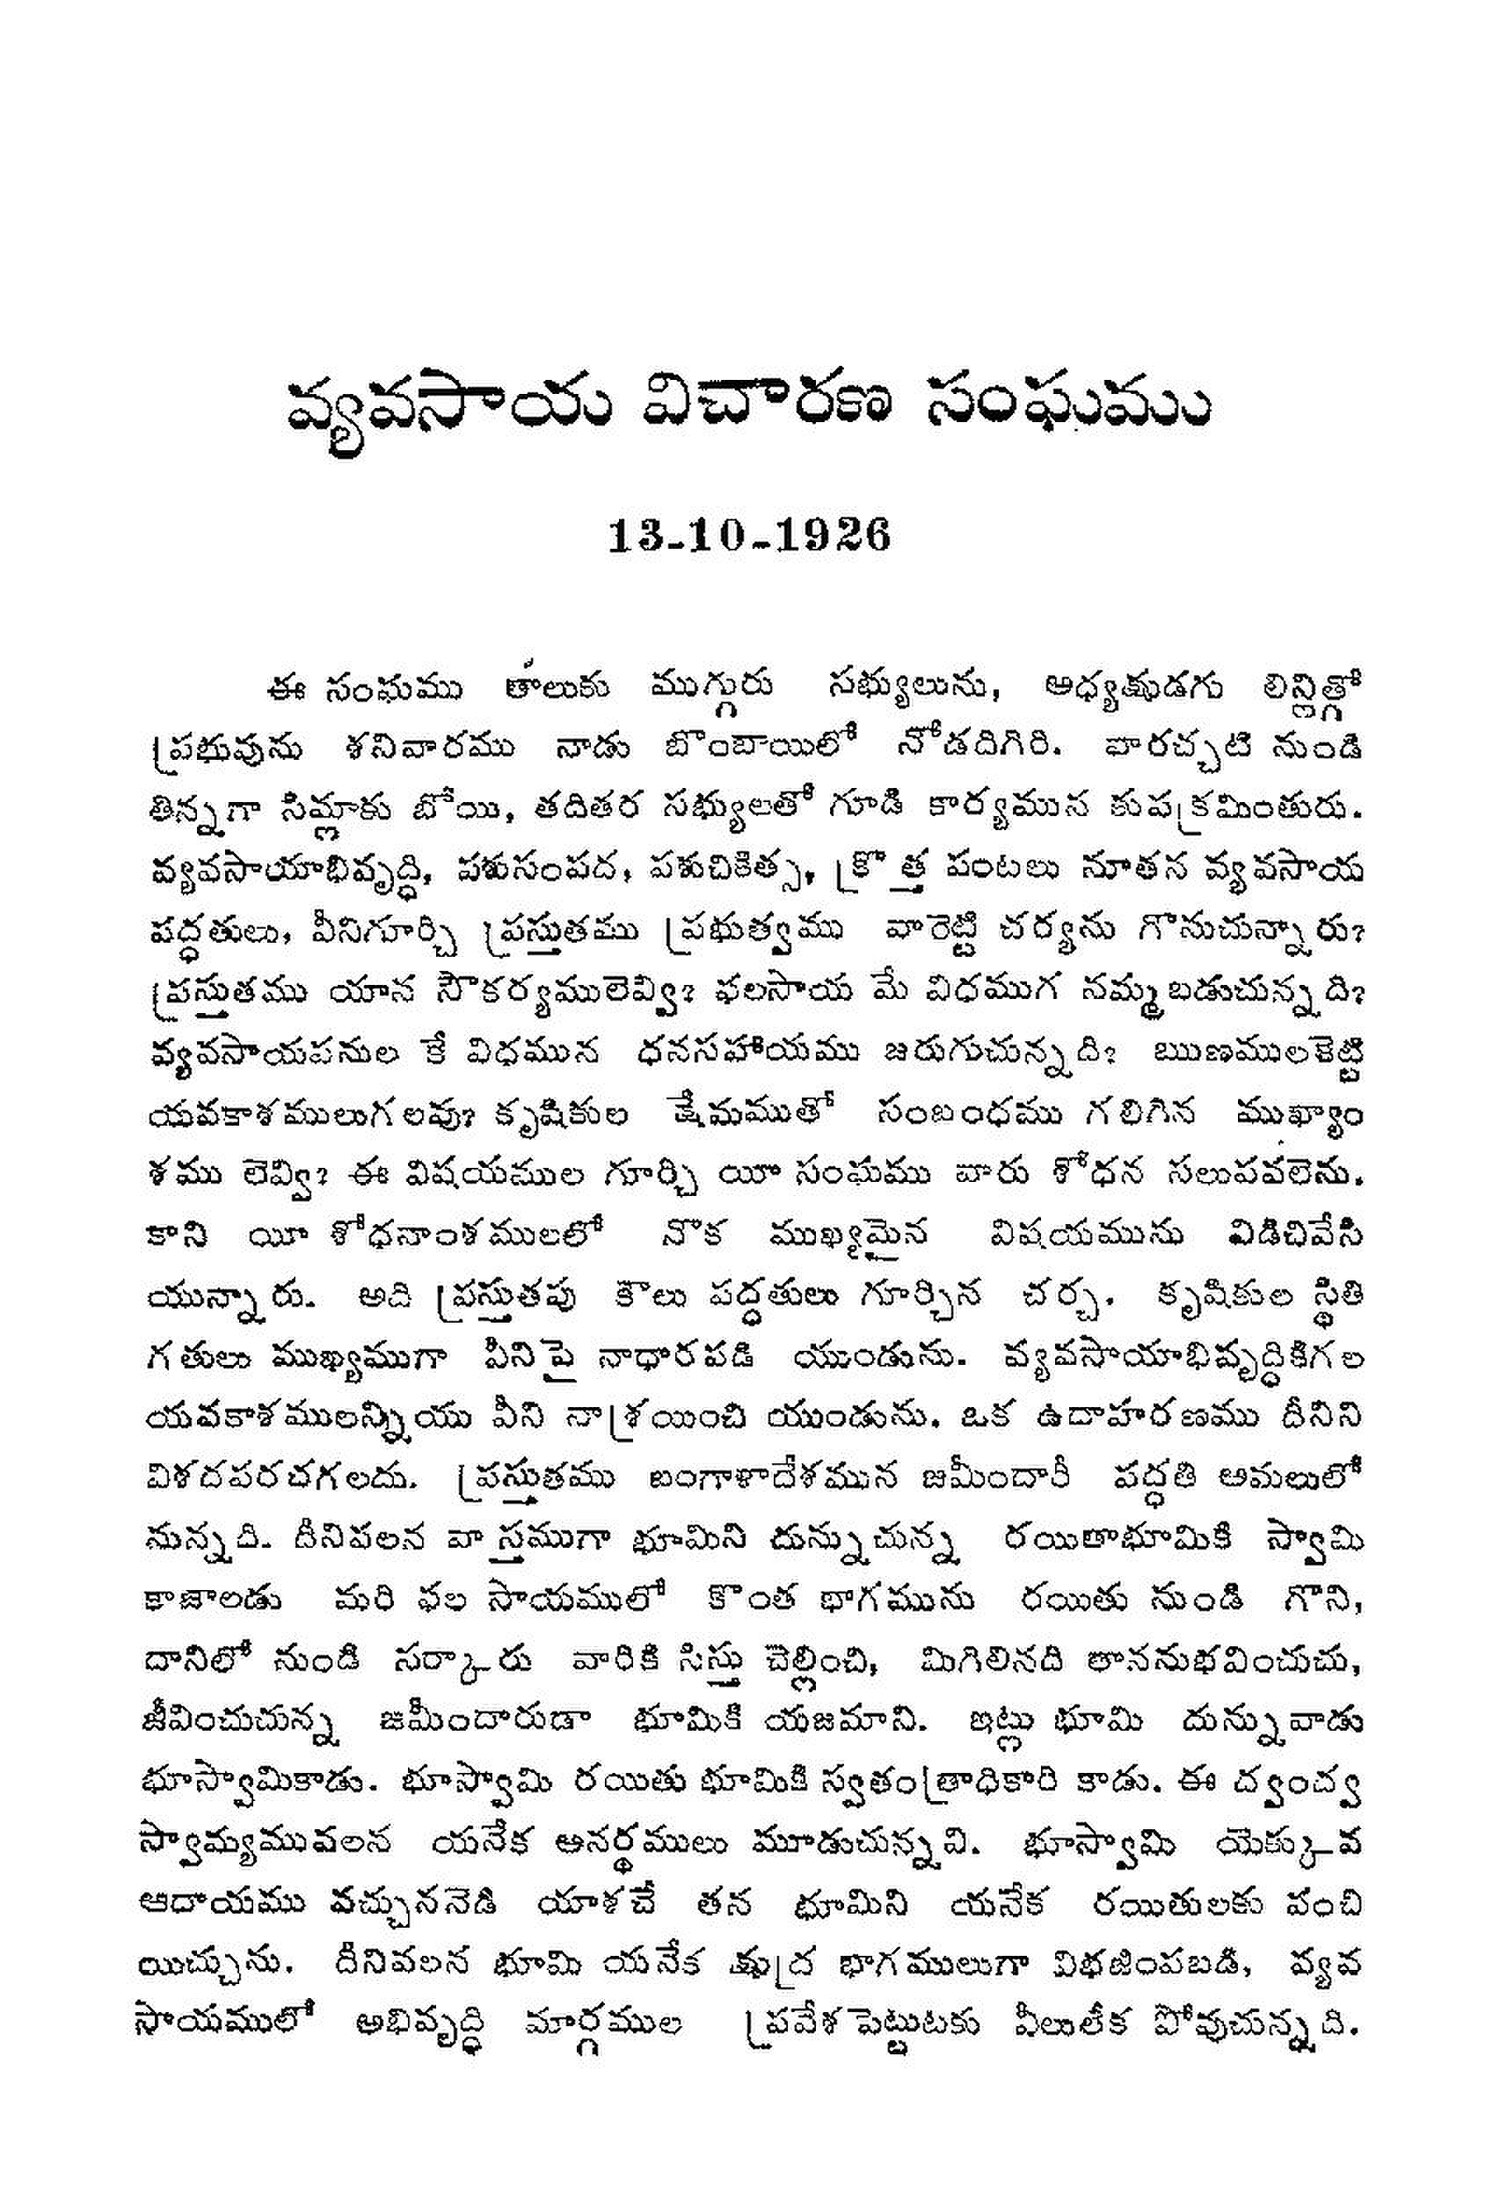వ్యవసాయ విచారణ సంఘము

13-10-1926

ఈ సంఘము తాలుకు ముగ్గురు సభ్యులును, అధ్యక్షుడగు లిన్లిత్గో ప్రభువును శనివారము నాడు బొంబాయిలో నోడదిగిరి. వారచ్చటి నుండి తిన్నగా సిమ్లాకు బోయి, తదితర సభ్యులతో గూడి కార్యమున కుపక్రమింతురు.
వ్యవసాయాభివృద్ధి, పశుసంపద, పశుచికిత్స, క్రొత్త పంటలు నూతన వ్యవసాయ పద్ధతులు, వీనిగూర్చి ప్రస్తుతము ప్రభుత్వము వారెట్టి చర్యను గొనుచున్నారు? ప్రస్తుతము యాన సౌకర్యములెవ్విః ఫలసాయ మే విధముగ నమ్మబడుచున్నది? వ్యవసాయపనుల కే విధమున ధనసహాయము జరుగుచున్నది? ఋణములకెట్టి
యవకాశములుగలవు? కృషికుల క్షేమముతో సంబంధము గలిగిన ముఖ్యాంశము లెవ్వి? ఈ విషయముల గూర్చి యీ సంఘము వారు శోధన సలుపవలెను. కాని యీ శోధనాంశములలో నొక ముఖ్యమైన విషయమును విడిచివేసి
యున్నారు. అది ప్రస్తుతపు కౌలు పద్ధతులు గూర్చిన చర్చ. కృషికుల స్థితి గతులు ముఖ్యముగా వీనిపై నాధారపడి యుండును. వ్యవసాయాభివృద్ధికిగల యవకాశములన్నియు వీని నాశ్రయించి యుండును. ఒక ఉదాహరణము దీనిని విశదపరచగలదు. ప్రస్తుతము బంగాళాదేశమున జమీందారీ పద్ధతి అమలులో నున్నది. దీనివలన వాస్తముగా భూమిని దున్నుచున్న రయితాభూమికి స్వామి కాజాలడు మరి ఫల సాయములో కొంత భాగమును రయితు నుండి గొని, దానిలో నుండి సర్కారు వారికి సిస్తు చెల్లించి, మిగిలినది తాననుభవించుచు, జీవించుచున్న జమీందారుడా భూమికి యజమాని. ఇట్లు భూమి దున్నువాడు భూస్వామికాడు. భూస్వామి రయితు భూమికి స్వతంత్రాధికారి కాడు. ఈ ద్వంద్వ స్వామ్యమువలన యనేక అనర్థములు మూడుచున్నవి. భూస్వామి యెక్కువ
ఆదాయము వచ్చుననెడి యాశచే తన భూమిని యనేక రయితులకు పంచి యిచ్చును. దీనివలన భూమి యనేక క్షుద్ర భాగములుగా విభజింపబడి, వ్యవసాయములో అభివృద్ధి మార్గముల ప్రవేశ పెట్టుటకు వీలులేక పోవుచున్నది.